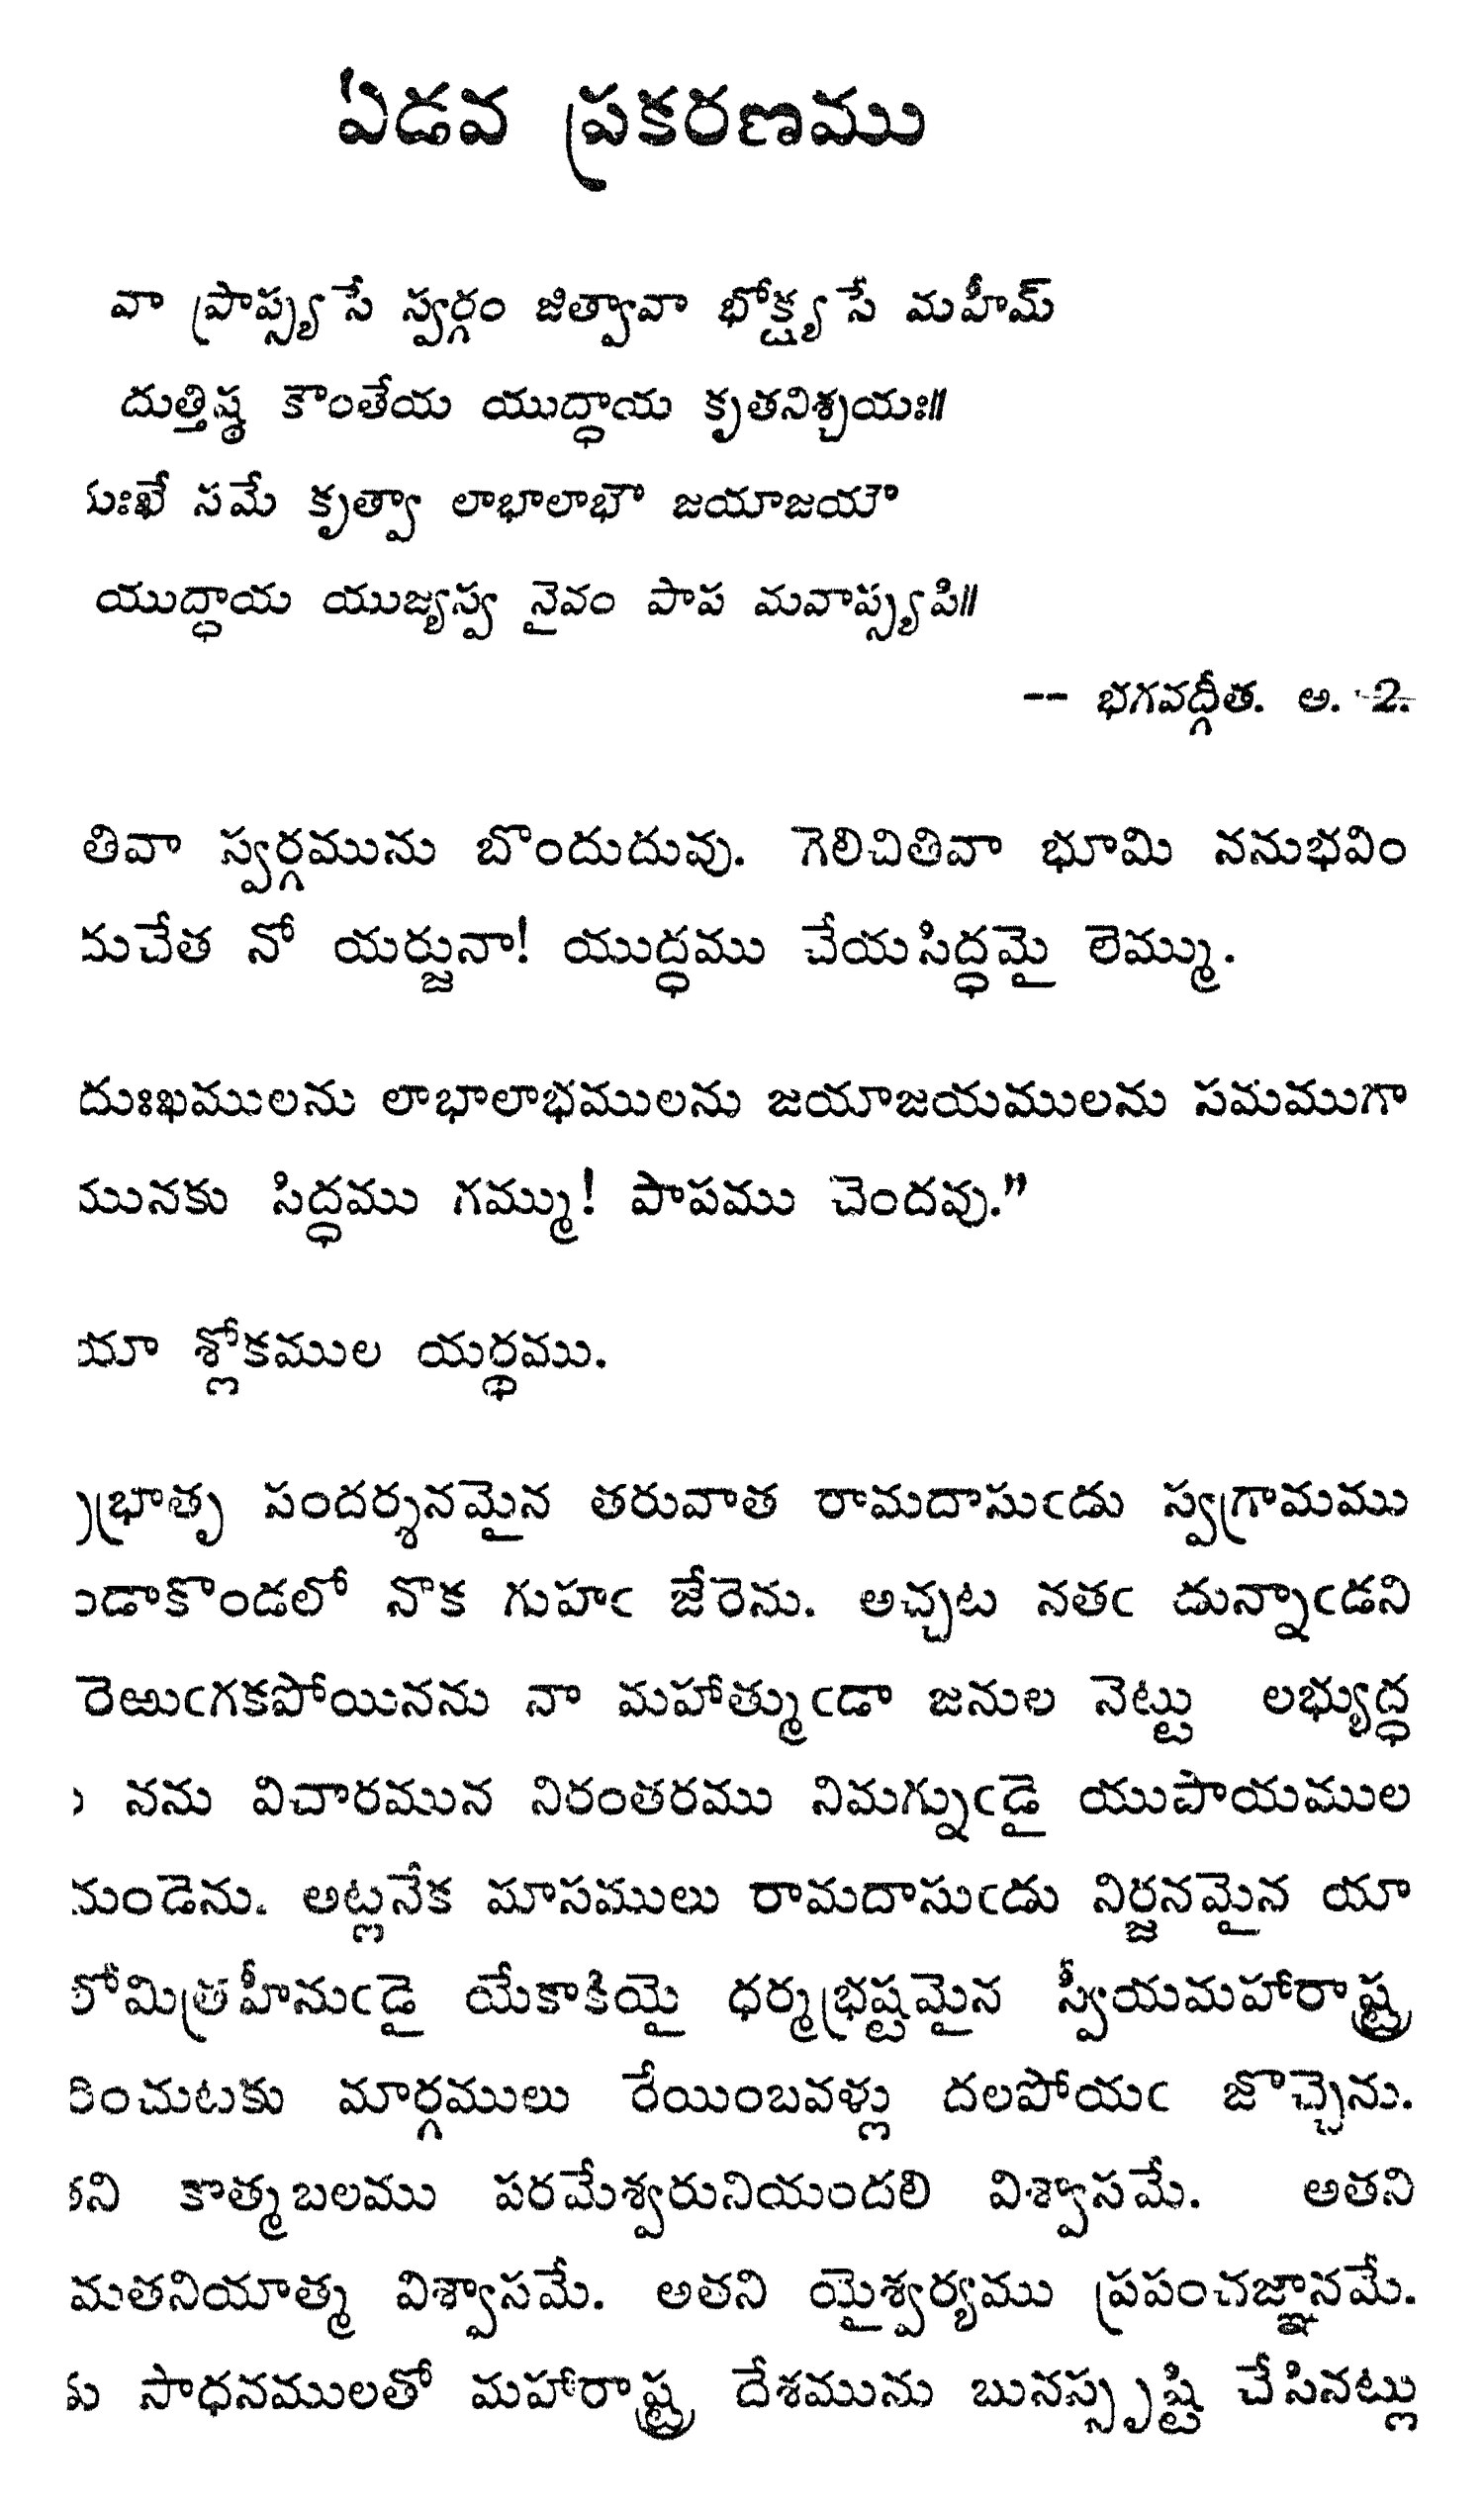--వా ప్రాప్స్యసే స్వర్గం జిత్వావా భోక్ష్యసే మహీమ్‌
--దుత్తిష్ఠ కౌంతేయ యుద్ధాయ కృతనిశ్చయః ||

--సమే కృత్వా లాభాలాభౌ జయాజయౌ
--యుద్ధాయ యుజ్యస్వ నైనం పాప మవాప్స్యపి ||
 -- భగవద్గీత. అ. 2.

--తివా స్వర్గమును బొందుదువు. గెలిచితివా భూమి ననుభవిం-- చేత నో యర్జునా ! యుద్ధము చేయసిద్ధమై లెమ్ము.

-- దుఃఖములను లాభాలాభములను జయాజయములను సమముగా --- సిద్ధము గమ్ము ! పాపము చెందవు."

-- యా శ్లోకముల యర్థము.

--భ్రాతృ సందర్శనమైన తరువాత రామదాసుడు స్వగ్రామము --కొండలో నొక గుహ జేరెను. అచ్చట నత డున్నాడని --రెఱుగకపోయినను నా మహాత్ముడా జనుల నెట్టు లభ్యుద్ధ -- నను విచారమున నిరంతరము నిమగ్నుడై యుపాయముల -- నుండెను. అట్లనేక మాసములు రామదాసుడు నిర్జనమైన యా ---మిత్రహీనుడై యేకాకియై ధర్మభ్రష్టమైన స్వీయమహారాష్ట్ర --రించుటకు మార్గములు రేయింబవళ్లు దలపోయ జొజ్జెను. --ని కాత్మబలము పరమేశ్వరుని యందలి విశ్వాసమే. అతని --మతనియాత్మ విశ్వాసమే అతని యైశ్వర్యము ప్రపంచజ్ఞానమే. -- సాధనములతో మహారాష్ట్ర దేశమును బునస్సృష్టి చేసినట్లు